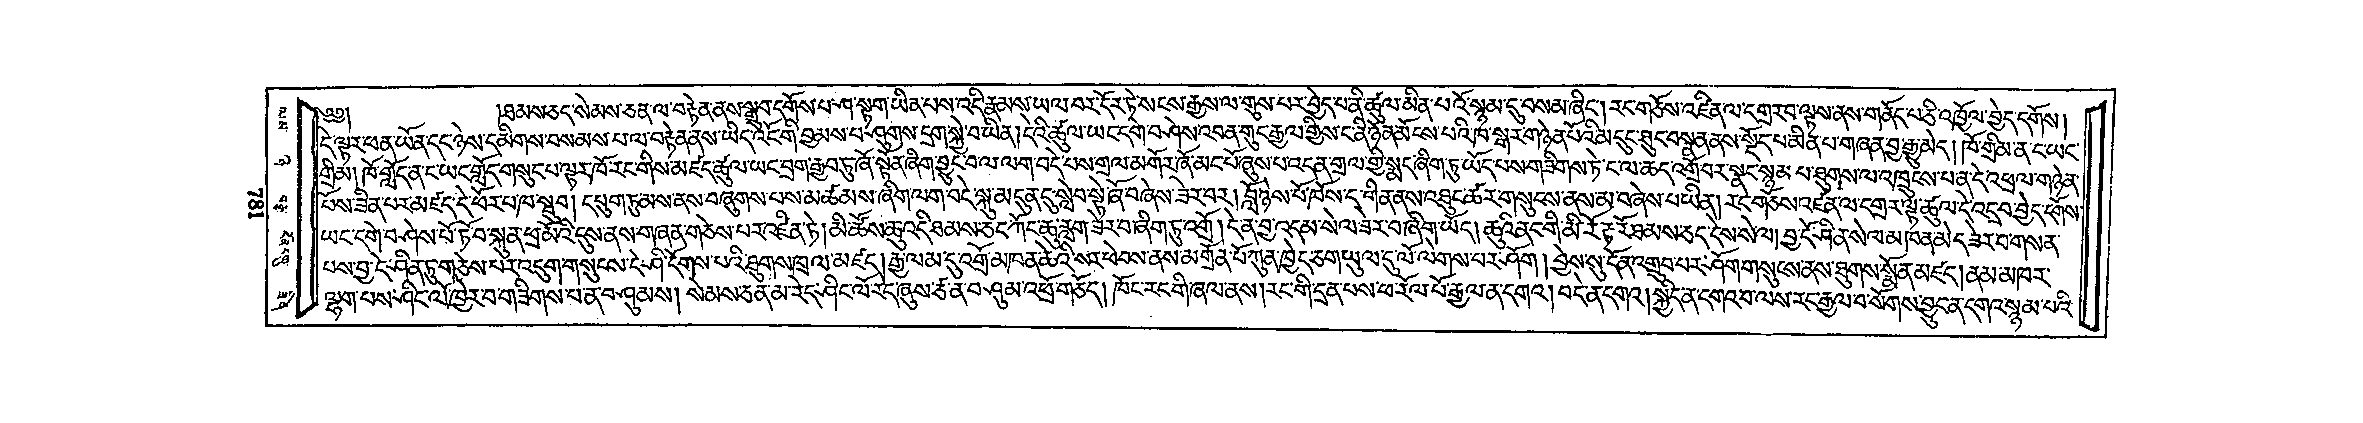༄༅། །ཐམས་ཅད་སེམས་ཅན་ལ་བརྟེན་ནས་སྒྲུབ་དགོས་པ་ཤ་སྟག་ཡིན་པས་འདི་རྣམས་ཡལ་བར་དོར་ཏེ་སངས་རྒྱས་ལ་གུས་པར་བྱེད་པ་ནི་ཚུལ་མིན་པའོ་སྙམ་དུ་བསམ་ཞིང་། རང་གཅོས་འཛིན་ལ་དགྲར་བ་ལྟས་ནས་གནོད་པ་ཅི་འཁྱོལ་བྱེད་དགོས།
དེ་ལྟར་ཕན་ཡོན་དང་ཉེས་དམིགས་བསམས་པ་ལ་བརྟེན་ནས་ཡིད་འོང་གི་བྱམས་པ་ཤུགས་དྲག་སྐྱེ་བ་ཡིན། དེའི་ཚུལ་ཡང་དགེ་བཤེས་འབན་གུང་རྒྱལ་གྱིས་ང་ནི་ཉོན་མོངས་པའི་ཁ་སྒར་གཉེན་པོའི་མདུང་ཐུང་བསྣན་ནས་སྡོད་པ་མིན་པ་གཞན་བྱ་རྒྱུ་མེད། ཁོ་གྲིམ་ན་ང་ཡང་
གྲིམ། ཁོ་གློད་ན་ང་ཡང་གློད་གསུང་པ་ལྟར་ཁོ་རང་གིས་མཛད་ཚུལ་ཡང་བྲག་རྒྱབ་ཏུ་ཞོ་སྟོན་ཞིག་བྱུང་བ་ལ་ལག་བདེ་པས་གྲལ་མགོར་ཞོ་མང་པོ་ཞུས་པ་འདན་གྲལ་གྱི་སྨད་ཞིག་ཏུ་ཡོད་པས་གཟིགས་ཏེ་ང་ལ་ཆད་འགྲོ་བར་སྣང་སྙམ་པ་ཐུགས་ལ་འཁྲུངས་པ་ན་དེ་འཕྲལ་གཉེན་
པོས་ཟིན་པར་མཛད་དེ་ཕོར་པ་ཁ་སྦུབ། དཔུག་ཏུ་མས་ནས་བཞུགས་པས་མཚམས་ཞིག་ལག་བདེ་སྐུ་མདུན་དུ་སླེབ་སྟེ་ཞོབ་ཞེས་ཟེར་བར། བློ་ཉེས་པོ་ཁོས་ད་གིན་ནས་འཐུང་ཚར་གསུངས་ནས་མ་བཞེས་པ་ཡིན། རང་གཅོས་འཛན་ལ་དགྲར་ལྟ་ཚུལ་དེ་འདྲ་བ་བྱེད་དགོས་
ཡང་དགེ་བཤེས་པོ་ཏོ་བ་སྐུན་ཕྲ་མོའི་དུས་ནས་གཞན་གཅེས་པར་འཛིན་ཏེ། མི་ཚོས་ཆུ་འདི་ཐམས་ཅད་ཀོང་ཆུ་རླག་ཟེར་བ་ཞིག་ཏུ་འགྲོ་།དེ་ན་བྱ་འདམ་སེལ་ཟེར་བ་ཞིག་ཡོད། ཆུའི་ནང་གི་མི་རོ་རྟ་རོ་ཐམས་ཅད་དེས་སེལ། བྱ་དོ་ཤིན་སེལ་མཁན་མེད་ཟེར་བ་གསན་
པས་བྱ་དེ་ཤིན་ཏུ་གཅེས་པར་འདུག་གསུངས་དེ་ཤི་དོགས་པའི་ཐུགས་ཁྲལ་མཛད། རྒྱ་ལམ་དུ་འགྲོ་མཁན་ཆེའི་སར་ཕེབས་ནས་མགྲོན་པོ་ཀུན་ཁྱེད་ཅག་ཡུལ་དུ་ལོ་ལེགས་པར་ཤོག །བྱེས་སུ་དོན་འགྲུབ་པར་ཤོག་གསུངས་ནས་ཐུགས་སྨོན་མཛད། ནམ་མཁར་
ལྷག་པས་ཤིང་ལོ་ཁྱེར་བ་གཟིགས་པ་ན་བཤུམས། སེམས་ཅན་མ་རེད་ཤིང་ལོ་རེད་ཞུས་ཙ་ན་བཤུམ་འཕྲོ་གཅོད། ཁོང་རང་གི་ཞལ་ནས། རང་གི་དྲན་པས་ཕ་རོལ་པོ་རྒྱལ་ན་དགའ། བདེ་ན་དགའ། སྐྱིད་ན་དགའ་བ་ལས་རང་རྒྱལ་བ་སོགས་བྱུང་ན་དགའ་སྙམ་པའི་